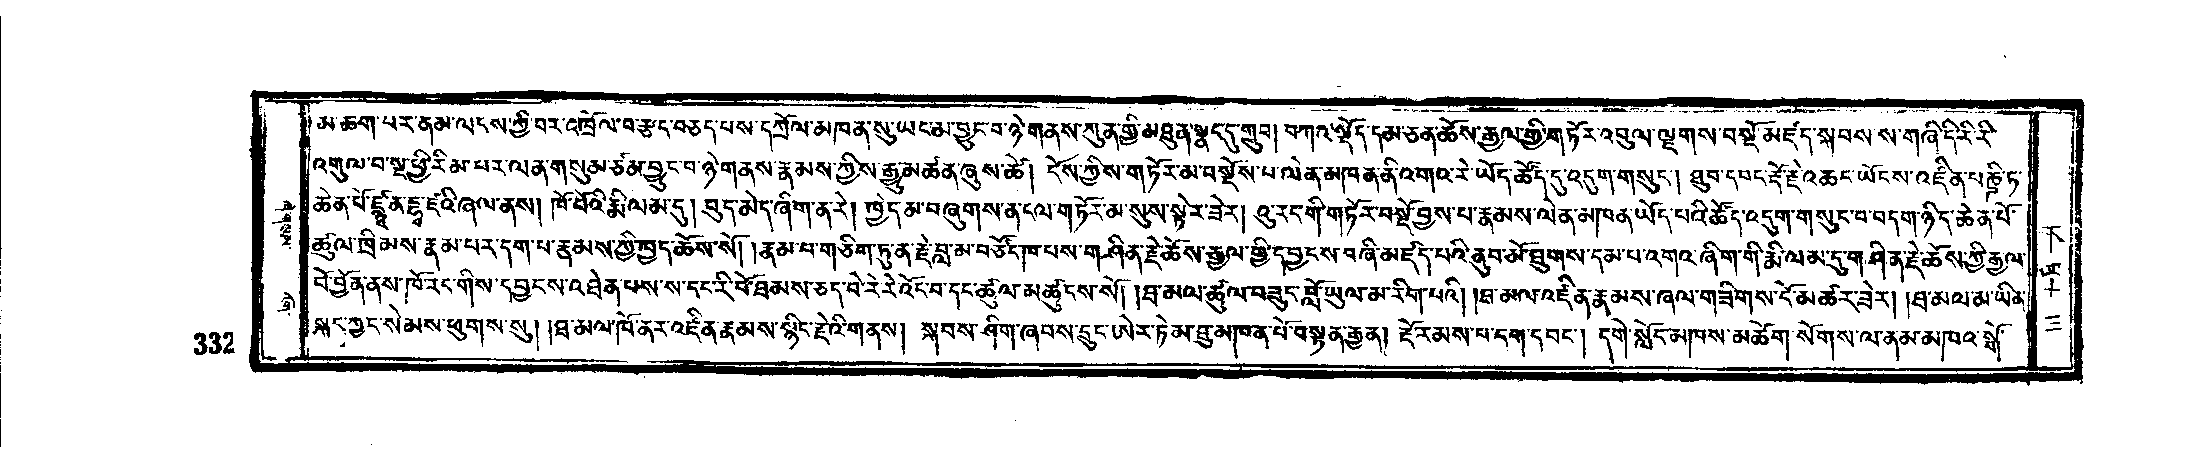མ་ཆག་པར་ནམ་ལངས་ཀྱི་བར་འཁྲོལ་བ་རྩད་བཅད་པས་དཀྲོལ་མཁན་སུ་ཡང་མ་བྱུང་བ་ཉེ་གནས་ཀུན་གྱི་མཐུན་སྣང་དུ་གྲུབ། བཀའ་སྡོད་དམ་ཅན་ཆོས་རྒྱལ་གྱི་གཏོར་འབུལ་ལྗགས་བསྔོ་མཛད་སྐབས་ས་གཞི་དི་རི་རི་
འགུལ་བ་སྔ་ཕྱི་རིམ་པར་ལན་གསུམ་ཙམ་བྱུང་བ་ཉེ་གནས་རྣམས་ཀྱིས་རྒྱུ་མཚན་ཞུས་ཚེ། ངོས་ཀྱིས་གཏོར་མ་བསྔོས་པ་ལེན་མཁན་ནི་འགའ་རེ་ཡོད་ཚོད་དུ་འདུག་གསུང་། ཐུབ་དབང་རྡོ་རྗེ་འཆང་ཡོངས་འཛིན་པཎྚི་ཏ་
ཆེན་པོ་ཛྙཱ་ན་དྷྭ་ཛའི་ཞལ་ནས། ཁོ་བོའི་རྨི་ལམ་དུ། བུད་མེད་ཞིག་ན་རེ། ཁྱེད་མ་བཞུགས་ན་ངལ་གཏོར་མ་སུས་སྟེར་ཟེར། འུ་རང་གི་གཏོར་བསྔོ་བྱས་པ་རྣམས་ལེན་མཁན་ཡོད་པའི་ཚོད་འདུག་གསུང་བ་བདག་ཉིད་ཆེན་པོ་
ཚུལ་ཁྲིམས་རྣམ་པར་དག་པ་རྣམས་ཀྱི་ཁྱད་ཆོས་སོ། །རྣམ་པ་གཅིག་ཏུ་ན་རྗེ་བླ་མ་བཙོང་ཁ་པས་གཤིན་རྗེ་ཆོས་རྒྱལ་གྱི་དབྱངས་བཞི་མཛད་པའི་ནུབ་མོ་ཐུགས་དམ་པ་འགའ་ཞིག་གི་རྨི་ལམ་དུ་གཤིན་རྗེ་ཆོས་ཀྱི་རྒྱལ་
བོ་བྱོན་ནས་ཁོ་རང་གིས་དབྱངས་འཐེན་པས་ས་དང་རི་བོ་ཐམས་ཅད་བེ་རེ་རེ་འོང་བ་དང་ཚུལ་མཚུངས་སོ། །ཐ་མལ་ཚུལ་བཟུང་བློ་ཡུལ་མ་རིག་པའི། །ཐ་མལ་འཛིན་རྣམས་ཞལ་གཟིགས་ངོ་མཚར་ཟེར། །ཐ་མལ་མ་ཡིན་
སྐང་ཀྱང་སེམས་ཕུགས་སུ། །ཐ་མལ་ཁོ་ནར་འཛིན་རྣམས་སྙིང་རྗེའི་གནས། སྐབས་ཤིག་ཞབས་དྲུང་ཨེར་ཏེ་མ་ཐུ་མཁན་པོ་བསྟན་རྒྱན། རྔོ་རམས་པ་ངག་དབང་། དགེ་སློང་མཁས་མཆོག་སོགས་ལ་ནམ་མཁའ་སྒོ་